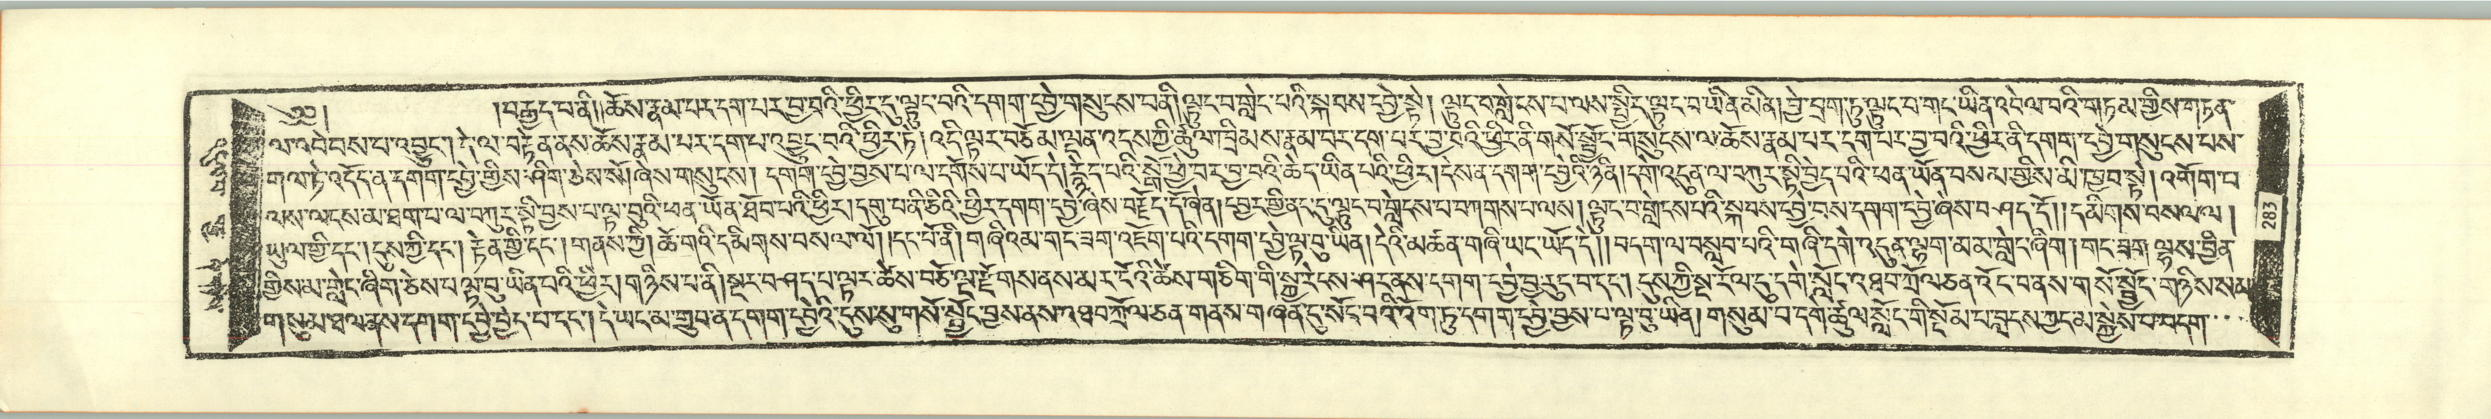༄༅། །བརྒྱད་པ་ནི། །ཆོས་རྣམ་པར་དག་པར་བྱ་བའི་ཕྱིར་དུ་ལྟུང་བའི་དགག་དབྱེ་གསུངས་པ་ནི། ལྟུང་བ་གླེང་པའི་སྐབས་དབྱེ་སྟེ། ལྟུང་བ་གླེངས་པ་ལས་སྤྱིར་ལྟུང་བ་ཡིན་མིན། བྱེ་བརྟག་ཏུ་ལྟུང་བ་གང་ཡིན་འབེལ་བའི་གཏམ་གྱིས་གཏན་
ལ་འབེབས་པ་འབྱུང་། དེ་ལ་བརྟེན་ནས་ཆོས་རྣམ་པར་དག་པ་འབྱུང་བའི་ཕྱིར་ཏེ། འདི་ལྟར་བཅོམ་ལྡན་འདས་ཀྱི་ཚུལ་ཁྲིམས་རྣམ་བར་དག་པར་བྱ་བའི་ཕྱིར་ནི་གསོ་སྦྱོང་གསུངས་ལ་ཆོས་རྣམ་པར་དག་པར་བྱ་བའི་ཕྱིར་ནི་དགག་དབྱེ་གསུངས་པས་
གལ་ཏེ་འདོད་ན་དགག་དབྱེ་གྱིས་ཤིག་ཅེས་སོ། ཞེས་གསུངས། དགག་དབྱེ་བྱས་པ་ལ་དགོས་པ་ཡོད་དེ། རྙེད་པའི་སྒོ་ཕྱེ་བར་བྱ་བའི་ཆེད་ཡིན་པའི་ཕྱིར། དེས་ན་དགག་དབྱེའི་ཉིན། དགེ་འདུན་ལ་བཀུར་སྟི་བྱེད་པའི་ཕན་ཡོན་བསམ་གྱིས་མི་ཁྱབ་སྟེ། འགོག་པ་
ལས་ལྔས་མ་ཐག་པ་ལ་བཀུར་སྟི་བྱས་པ་ལྟ་བུའི་ཕན་ཡོན་ཐོབ་པའི་ཕྱིར། དགུ་པ་ནི་ཅིའི་ཕྱིར་དགག་དབྱེ་ཞེས་བརྗོད་དོ་ཞེ་ན། དབྱར་གྱི་ནང་དུ་ལྟུང་བ་གླེངས་པ་བཀགས་པ་ལས། ལྟུང་བ་གླེངས་པའི་སྐབས་དབྱེ་བས་དགག་དབྱེ་ཞེས་བཤད་དོ། །དམིགས་བསལ་ལ།
ཡུལ་གྱི་དང་། དུས་ཀྱི་དང་། རྟེན་གྱི་དང་། གནས་ཀྱི། ཆོ་གའི་དམིགས་བསལ་ལོ། །དང་པོ་ནི། གཞི་འམ་གང་ཟག་འཇོག་པའི་དགག་དབྱེ་ལྟ་བུ་ཡིན། དེའི་མཚན་གཞི་ཡང་ཡོད་དེ། །བདག་ལ་བསླབ་པའི་གཞི་དགེ་འདུན་ལྷག་མ་མ་གླེང་ཞིག །གང་ཟག་ལྷས་བྱིན་
གྱིས་མ་གླེང་ཞིག་ཅེས་པ་ལྟ་བུ་ཡིན་པའི་ཕྱིར། གཉིས་པ་ནི། སྔར་བཤད་པ་ལྟར་ཚེས་བཅོ་ལྔ་རྫོགས་ནས་མར་ངོའི་ཚེས་གཅིག་གི་སྐྱ་རེངས་ཤར་ནས་དགག་དབྱེ་བྱ་རུང་བ་དང་། དུས་ཀྱི་སྔ་རོལ་དུ་དགེ་སློང་འཐབ་ཀྲོལ་ཅན་འོང་བ་ནས་གསོ་སྦྱོང་གཉིས་སམ་
གསུམ་ཐལ་ནས་དགག་དབྱེ་བྱེད་པ་དང་། དེ་ཡང་མ་གྲུབ་ན་དགག་དབྱེའི་དུས་སུ་གསོ་སྦྱོང་བྱས་ནས་འཐབ་ཀྲོལ་ཅན་གནས་གཞན་དུ་སོང་བའི་འོག་ཏུ་དགག་དབྱེ་བྱས་པ་ལྟ་བུ་ཡིན། གསུམ་བ་དགེ་ཚུལ་སློང་གི་སྡོམ་པ་བླངས་ཀྱང་མ་སྐྱེས་བ་བདག་